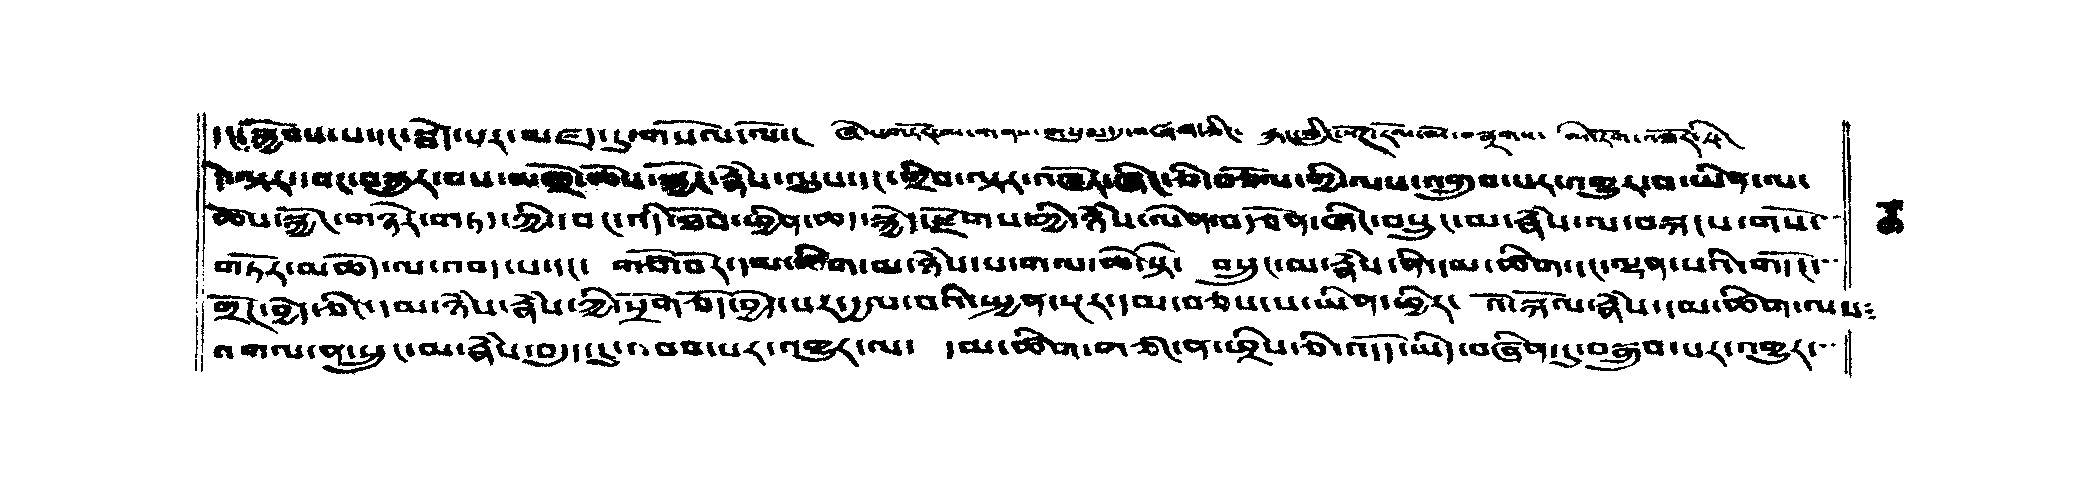དང་སྐྱོབས་པ་དང་མཛད་དུ་གསོལ། ཞེས་གཏོར་མ་གནས་གསུམ་དུ་བཞག་ཅིང་། རྐང་གླིང་སོགས་རོལ་མོ་བསྒྲགས། མེ་ཏོག་འཐོར་ཏེ། 
དེ་ལྟར་དབང་བསྐུར་བས་མཁའ་འགྲོ་ཆོས་སྐྱོང་རྣམས་ལུས་དང་གྲིབ་ལྟར་འཁོར་ཞིང་ཅི་བཅོལ་གྱི་ལས་འགྲུབ་་པར་འགྱུར་པ་ཡིན་ལ།
ཆོས་སྐྱོང་གཉེར་གཏད་ཀྱི་དབང་འདི་ཐོབ་ཕྱིན་ཆད་བསྐྱེད་རྫོགས་ཀྱི་ཉམས་ལེན་བརྩོན་ཞིང་སྲུང་མ་རྣམས་ལ་བསྐང་གསོ་
གཏོར་མཆོད་ལ་འབད་པ་དང་། གཙོ་བོར་དམ་ཚིག་མ་ཉམས་པ་གལ་ཆེ་སྟེ། བསྲུང་མ་རྣམས་ནི་དམ་ཚིག་དང་ལྡན་པའི་གདོང་
གྲོགས་བྱཻད་ཅིང་དམ་ཉམས་རྣམས་ཀྱི་སྲོག་གཅོད་བྱེད་པར་རྒྱལ་བའི་སྤྱན་སྔར་དམ་བཅས་པ་ཡིན་ཕྱིར། འོ་སྐོལ་རྣམས་དམ་ཚིག་ལས་
འགལ་ན་སྲུང་མ་རྣམས་བདུད་དུ་བབ་པར་འགྱུར་ལ། དམ་ཚིག་གཙང་བ་ཕྲིན་ལས་ཅི་འདོད་ཡིད་བཞིན་དུ་བསྒྲུབ་པར་འགྱུར་